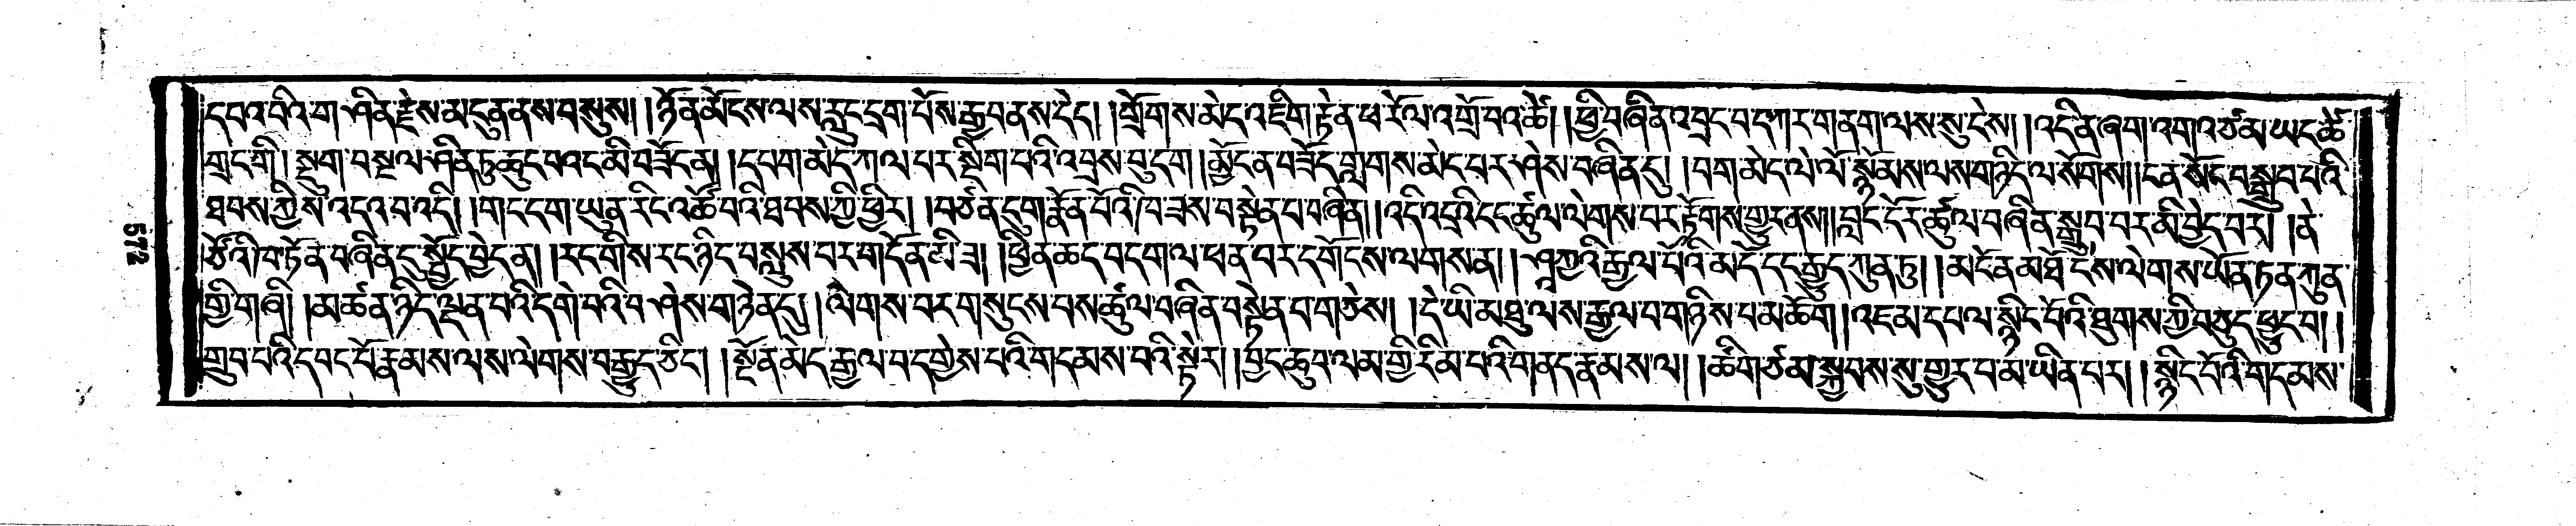དཔའ་བའི་གཤིན་རྗེས་མདུན་ནས་བསུས། །ཉོན་མོངས་ལས་རླུང་དྲག་པོས་རྒྱབ་ནས་དེད། །གྲོགས་མེད་འཇིག་རྟེན་ཕ་རོལ་འགྲོ་བའི་ཚེ། །ཕྱི་བཞིན་འབྲང་བ་དཀར་གནག་ལས་སུ་ངེས། །འདི་ན་ཞག་འགའ་ཙམ་ཡང་ཚ་
གྲང་གི །སྡུག་བསྔལ་ཤིན་ཏུ་ཆུང་བའང་མི་བཟོད་ན། །དཔག་མེད་ཀལ་པར་སྡིག་པའི་འབྲས་བུ་དག །མྱོང་ན་བཟོད་གླགས་མེད་པར་ཤེས་བཞིན་དུ། །བག་མེད་ལེ་ལོ་སྙོམས་ལས་གཉིད་ལ་སོགས། །ངན་སོང་བསྒྲུབ་པའི་
ཐབས་ཀྱིས་འདའ་བ་འདི། །གང་དག་ཡུན་རིང་འཚོ་བའི་ཐབས་ཀྱི་ཕྱིར། །བཙན་དུག་རྣོན་པོའི་ཁ་ཟས་བསྟེན་པ་བཞིན། །འདི་འདྲའི་ངང་ཚུལ་ལེགས་པར་རྟོགས་གྱུར་ནས། །བླང་དོར་ཚུལ་བཞིན་སྒྲུབ་པར་མི་བྱེད་པར། །ནེ་
ཙོའི་ཁ་ཏོན་བཞིན་དུ་སྤྱོད་བྱེད་ན། །རང་གིས་རང་ཉིད་བསླུས་པར་གདོན་མི་ཟ། །ཕྱིན་ཆད་བདག་ལ་ཕན་པར་དགོངས་ལགས་ན། །ཤཱཀྱའི་རྒྱལ་པོའི་མདོ་དང་རྒྱུད་ཀུན་ཏུ། །མངོན་མཐོ་ངེས་ལེགས་ཡོན་ཏན་ཀུན་
གྱི་གཞི། །མཚན་ཉིད་ལྡན་པའི་དགེ་བའི་བཤེས་གཉེན་དུ། །ལེགས་པར་གསུངས་པས་ཚུལ་བཞིན་བསྟེན་པ་གཅེས། །དེ་ཡི་མཐུ་ལས་རྒྱལ་བ་གཉིས་པ་མཆོག །འཇམ་དཔལ་སྙིང་པོའི་ཐུགས་ཀྱི་བཅུད་ཕྱུང་བ།།
གྲུབ་པའི་དབང་པོ་རྣམས་ལས་ལེགས་བརྒྱུད་ཅིང་། །སྔོན་མེད་རྒྱལ་བ་དགྱེས་པའི་གདམས་པའི་སྟེར། །བྱང་ཆུབ་ལམ་གྱི་རིམ་པའི་གནད་རྣམས་ལ། །ཚིག་ཙམ་སྐྱབས་སུ་གྱུར་པ་མ་ཡིན་པར། །སྙིང་པོའི་གདམས་